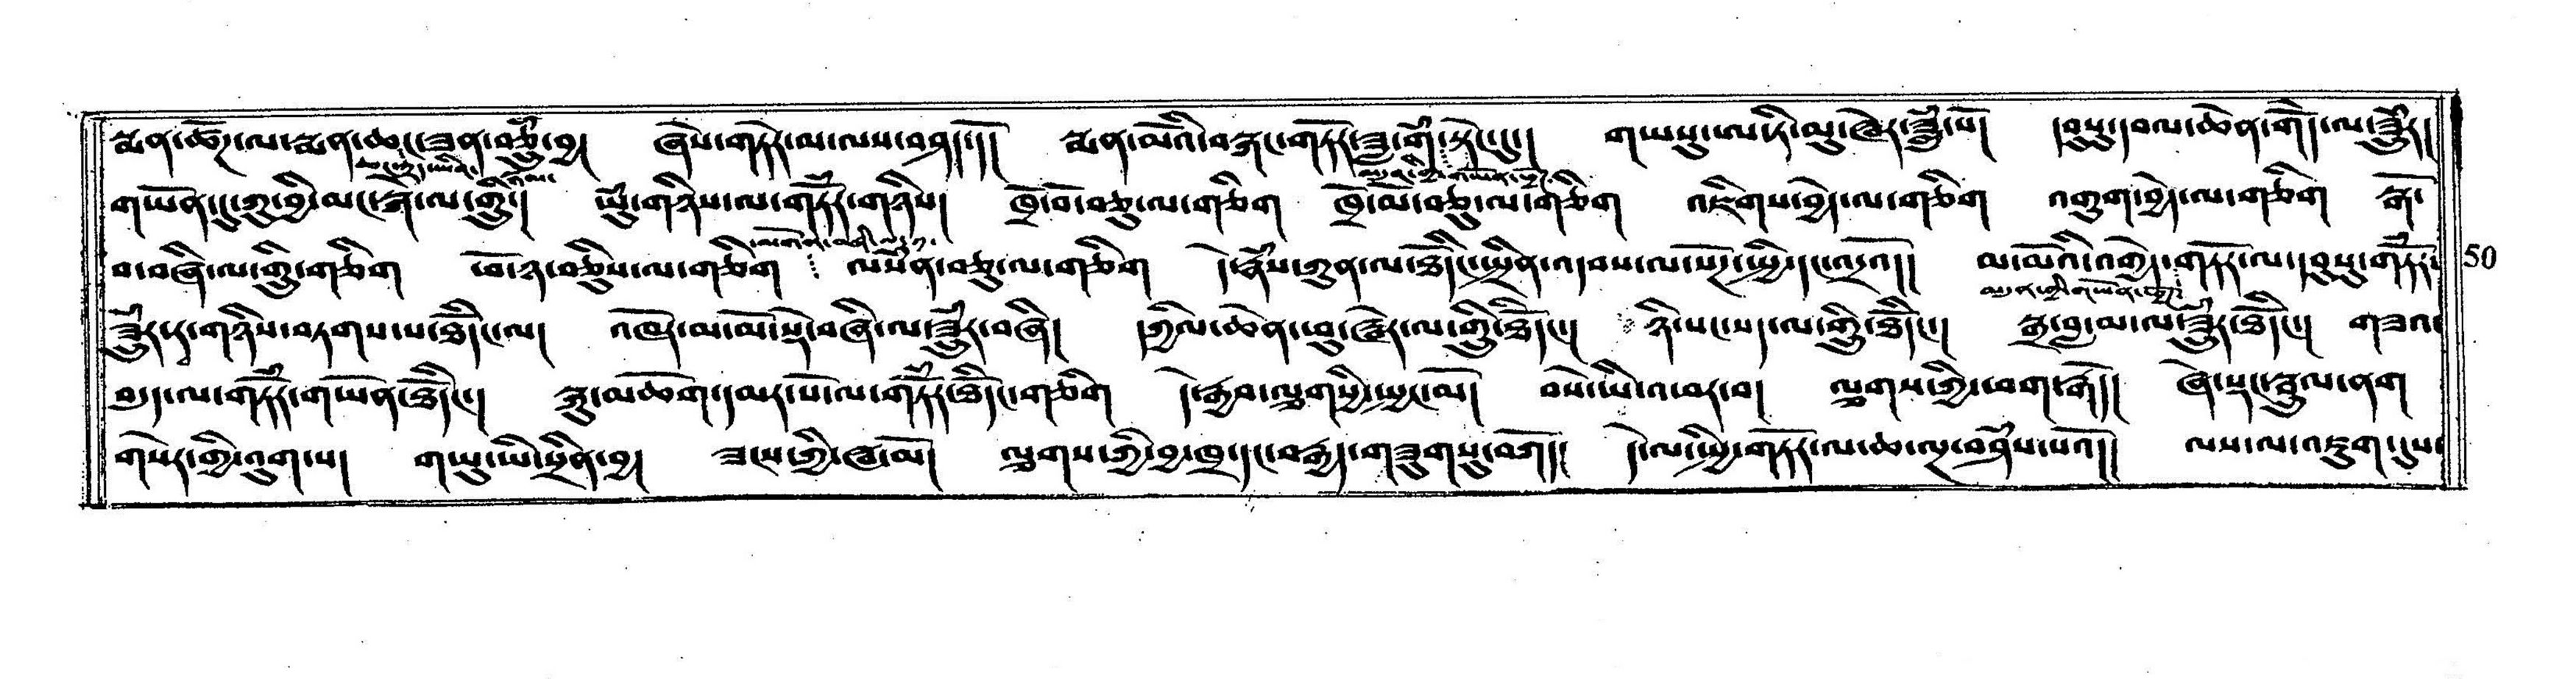སྨན་ཚོགས་ལ་སྨན་ཆང་(ཆང་ཀྲད་ཡིན་སྙམ་) ཟན་བཅུ་གསུམ་བྱ། ཞེས་གཏེར་མ་ལས་བཤད་དོ། སྨན་མོའི་བསྐང་གཏོར་ཟླ་གམ་(མདུན་གྱི་གཡོན་ཕྱོགས།) སྟེང་དུ། གཡས་སུ་ཨ་ཏི་མུ་ཝེར་ཟླུམ་པོ། དབུས་སུ་དབལ་ཆེན་གེ་ཁོད་ལ་ཟུར་གསུམ། 
གཡོན་དུ་ཀུ་བྱི་མང་སྐེ་ལ་གྲུ་བཞི། ཡུམ་གཉིས་ལ་གཏོར་མ་གཉིས། ཁྲོ་བོ་བཅུ་ལ་གཅིག ཁྲོ་མོ་བཅུ་ལ་གཅིག འཇིགས་བྱེད་ལ་གཅིག འགུག་བྱེད་ལ་གཅིག སྒོ་
བ་བཞི་ལ་གྲུ་བཞི་གཅིག ཕོ་ཉ་བཅུ་གཉིས་ལ་གཅིག དམག་དཔོན་བཞི་ལ་གཅིག ལས་མཁན་བཅུ་ལ་གཅིག དེ་རྣམས་ཀུན་ལ་ཐོད་བཅིང་སྤྲིན་འདབས་ལ་སོགས་སྤྱི་དང་འདྲའོ།། མ་མོའི་འགྱེད་(མདུན་གྱི་གཡོན་ཕྱོགས་)གཏོར་ལ་དབུས་སུ་གཏོར་མ་
ཟུར་གསུམ་རྭ་གཉིས་བཏགས་པ་ཐོད་བཅིང་ཐོད་བཅིང་ཐོད་བཅིང་ལ། འཁོར་མ་མོ་སྡེ་བཞི་ལ་ཟུར་གསུམ་བཞི། དཀྱིལ་ཆེན་ཕུ་ཝེར་ལ་གྲུ་བཞི་ཐོད་བཅིང་། ཉི་པང་སད་ལ་གྲུ་བཞི་ཐོད་བཅིང་། སྒྲ་བླ་མ་ལ་ཟུར་གསུམ་ཐོད་བཅིང་། གཟའ་
བདུད་ལ་གཏོར་མ་གཡོན་ཐོད་བཅིང་། སྐུ་མཆོག་དམར་པོ་ལ་གཏོར་མ་ཐོད་བཅིང་གཅིག དེ་རྒྱབ་ལྕགས་ཀྱི་སྤྱང་མོ། བསེ་ཡི་འཕར་བ། ལྕགས་ཀྱི་ཕག་རྒོད། ཞེ་སྡང་སྦྲུལ་ནག 
གསེར་གྱི་འུག་པ། གཡུ་ཡི་སྲིན་བྱ། ཟངས་ཀྱི་ཝ་མོ། ལྕགས་ཀྱི་བྱ་ཁྲ་དང་བརྒྱད་གཟུགས་སུ་བཀོད། དེ་ལ་སྤྱི་གཏོར་ལ་ཆ་ལྔ་བཤམས་པའོ།། ལས་ལ་འཇུག་དུས་